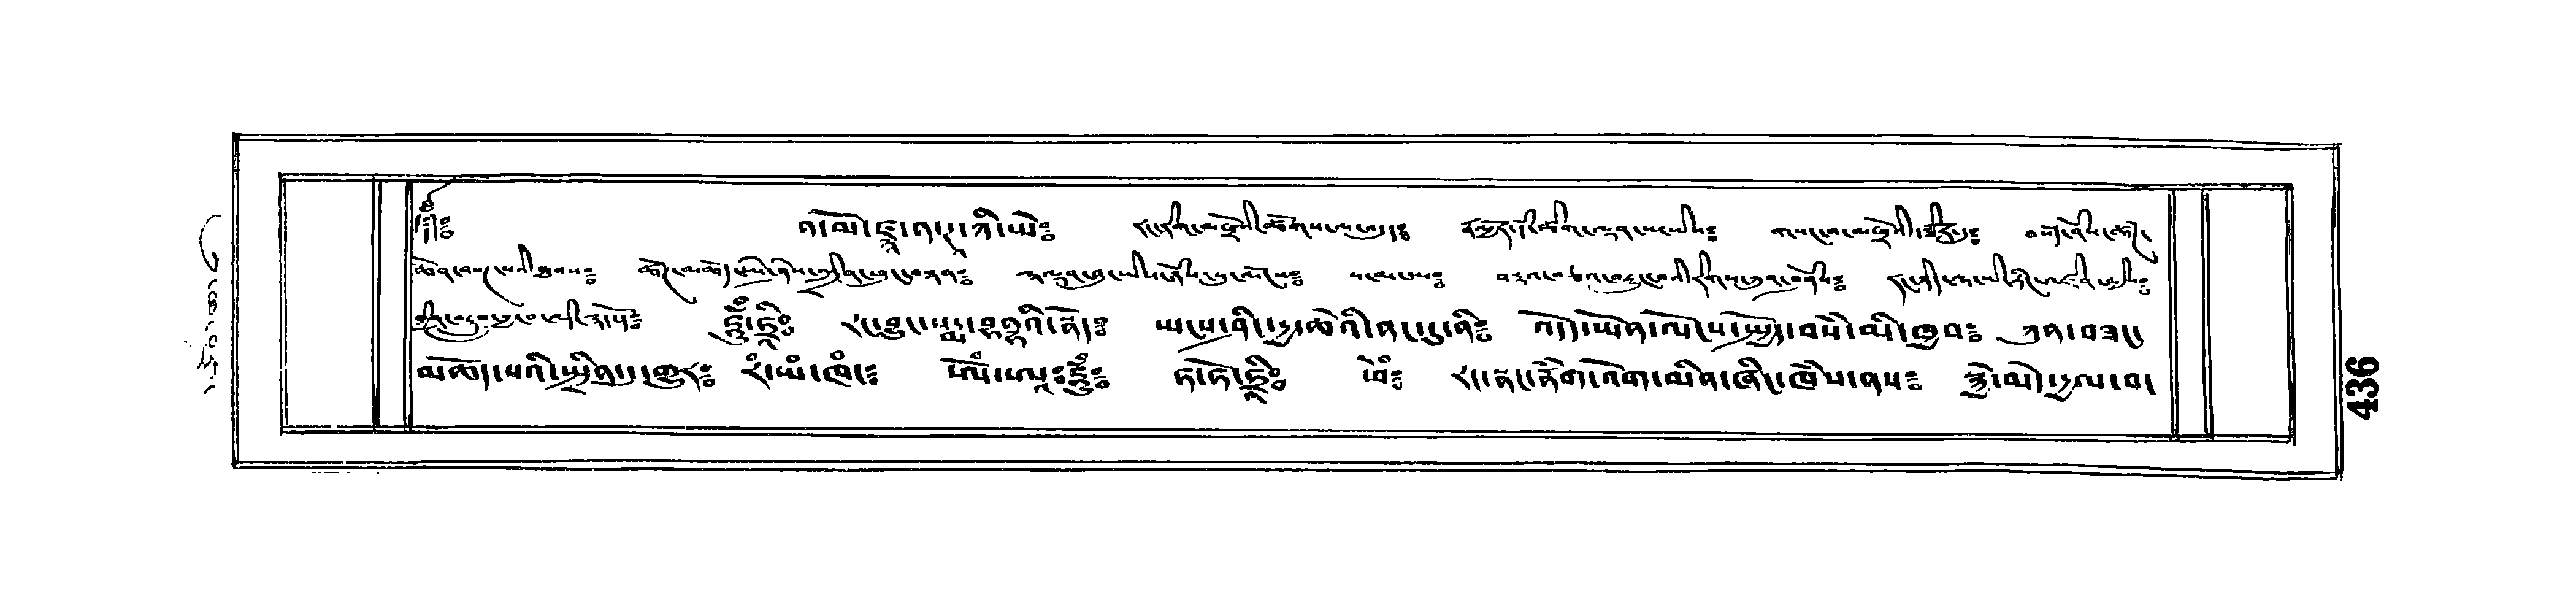ན་མོ་ཛྙཱ་ན་ཌཱ་ཀི་ཡེ༔ རང་རིག་མཁའ་འགྲོའི་ཚོགས་ལ་འདུད༔ རྣལ་འབྱོར་དམ་ཚིག་ལྡན་པ་ཡིས༔ གསང་བ་མཁའ་འགྲོའི་དཀྱིལ་འཁོར་དུ༔ བསོད་ནམས་ཚོགས་
ཆེན་གསོག་པའི་ཐབས༔ ཚོགས་མཆོད་ཡེ་ཤེས་སྤྲིན་ཕུང་བསྟན༔ སྐལ་ལྡན་བུ་ཡིས་ཉམས་སུ་ལོངས༔ ས་མ་ཡ༔ བཟའ་བཅའ་བཏུང་བའི་རིགས་ཀུན་བཤམས༔ རང་ཉིད་ལྷ་ཡི་ཏིང་འཛིན་གྱིས༔ 
བྱིན་བརླབ་བྱ་བ་འདི་སྐད་དོ༔ ཧཱུྃ་ཧྲཱིཿ རང་བྱུང་པདྨ་བྷནྡྷའི་སྣོད༔ ཡངས་ཤིང་རྒྱ་ཆེའི་ནང་དུ་ནི༔ འདོད་ཡོན་ལོངས་སྤྱོད་བསམ་མི་ཁྱབ༔ ཀུན་བཟང་
མཆོད་པའི་སྤྲིན་དུ་གྱུར༔ རཾ་ཡཾ་ཁཾ༔ ཨོཾ་ཨཱཿཧཱུྃ༔ ཧ་ཧོ་ཧྲཱིཿ ཕེཾ༔ རང་སྣང་རྣམ་དག་འོག་མིན་ཞིང་ཁམས་ནས༔ སྐྱེ་མེད་རྒྱལ་བ་